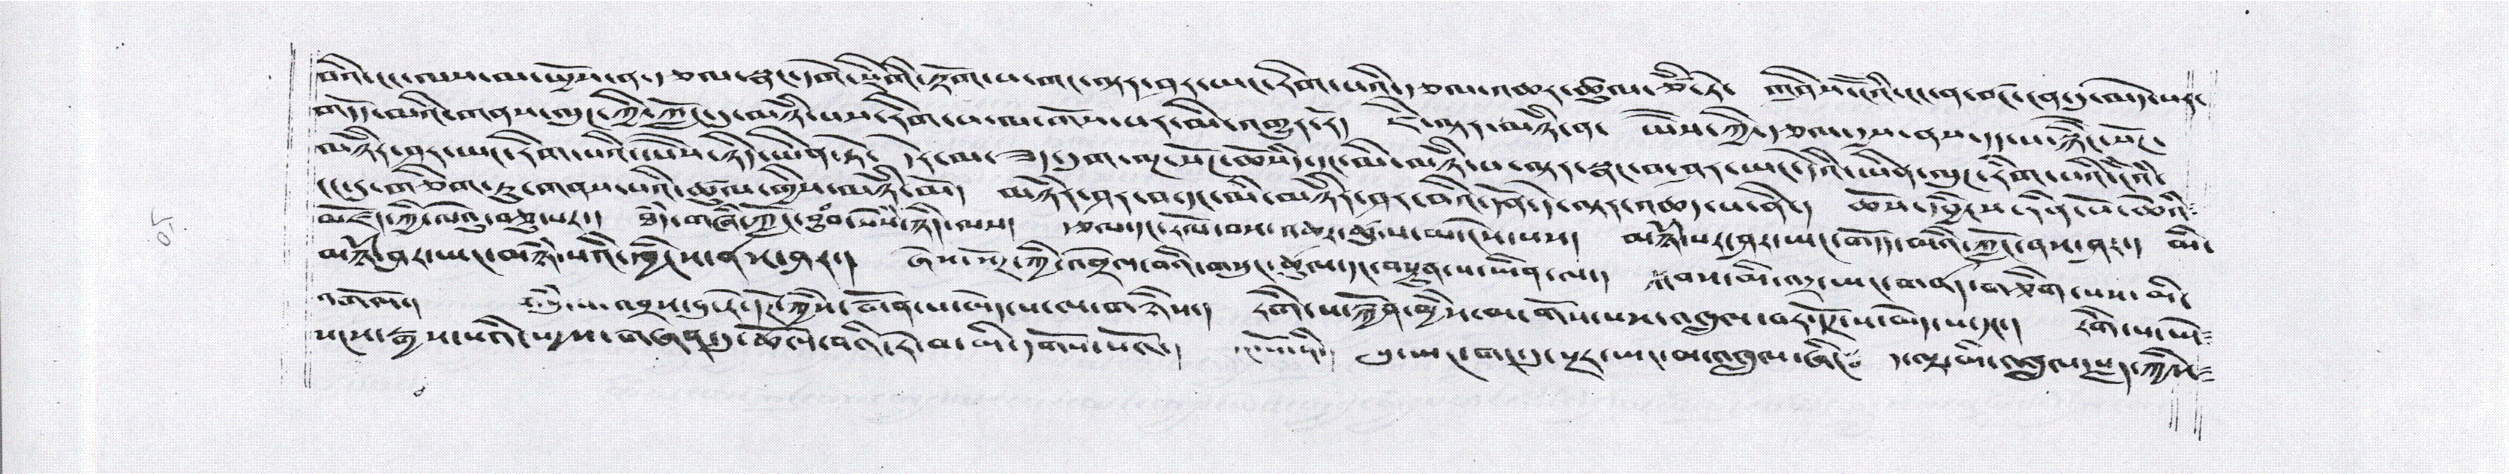བའི་ངང་ལས་མ་གཡོས་ན་རྩལ་སྣང་དགེ་སྡིག་གི་རྟོག་པ་གང་ལྟར་ཤར་ཡང་རིག་པའི་རྩལ་འཆར་ཚུལ་ཙམ་ཏེ། གཤིས་ངོ་བོའི་ངང་ན་བཟང་ངན་དུ་མེད་པར་
གདོད་མའི་གནས་ལུགས་ཀྱི་ཀློང་དུ་མཉམ་པས་རིག་པ་ལ་གོས་པར་མི་འགྱུར་རོ། ཇི་ལྟར་མཉམ་ན། ཡེ་ཤེས་ཀྱི་རྩལ་རྒྱས་ནས་དད་པ་སྙིང་རྗེ་སོགས་
མཉམ་པར་ཤར་ཡང་རིག་པའི་ཡེ་ཤེས་ཉིད་ཡིན་ཏེ། དེར་མ་ཟད་དུག་ལྔ་སོགས་ཆོས་ཉིད་དང་མི་མཉམ་པ་ལྟར་སྣང་བ་ཤར་ཡང་དེའི་ཡིན་ལུགས་རིག་པའི་ངོ་བོའི་
ངང་དུ་གཅིག་ཏུ་གནས་པའི་ཚུལ་གྱིས་མཉམ་མོ། མཉམ་པར་ཤར་བ་དང་མི་མཉམ་པར་ཤར་བའི་དོན་དེ་ལྟར་འཆད་པ་ནི། ཆོས་དབྱིངས་རིན་པོ་ཆེའི་
མཛོད་ཀྱི་ལེའུ་བཅུ་པར། ཐམས་ཅད་གཞི་ཀློང་བྱང་ཆུབ་སེམས་ཉིད་ལས། རྩལ་དང་རོལ་པས་འཆར་ཚུལ་མ་ངེས་པས། མཉམ་པར་ཤར་ཡང་གདོད་མའི་ཀློང་ནས་ཤར། མི་
མཉམ་ཤར་ཡང་མཉམ་པའི་དབྱིངས་ནས་ཤར། ཞེས་སོགས་ཀྱི་འགྲེལ་བའི་གསུང་ཚུལ་དང་བསྟུན་པ་ཡིན་ལ། སྐབས་མི་འདྲ་ཡང་གནད་གཅིག་པས་མི་
འགོག། གསུམ་པ་འབྲས་བུ་རེ་དྭོགས་ཀྱི་སྨོན་པ་མེད་པ་ལ་གཉིས། རིག་པ་སྐྱོན་གྱིས་མ་གོས་པས་འཁྲུལ་པར་དྭོགས་པ་མེད་པ་དང་། རིག་པ་ཡེ་
སངས་རྒྱས་པས་སངས་རྒྱས་གཞན་དུ་ཚོལ་བའི་རེ་བ་མི་དགོས་པའོ། དང་པོ་ནི། སུ་ཡང་གང་དུ་སྔར་ཡང་མ་འཁྲུལ་ཞིངཿ ད་ལྟ་མི་འཁྲུལ་སླད་ཀྱིས་